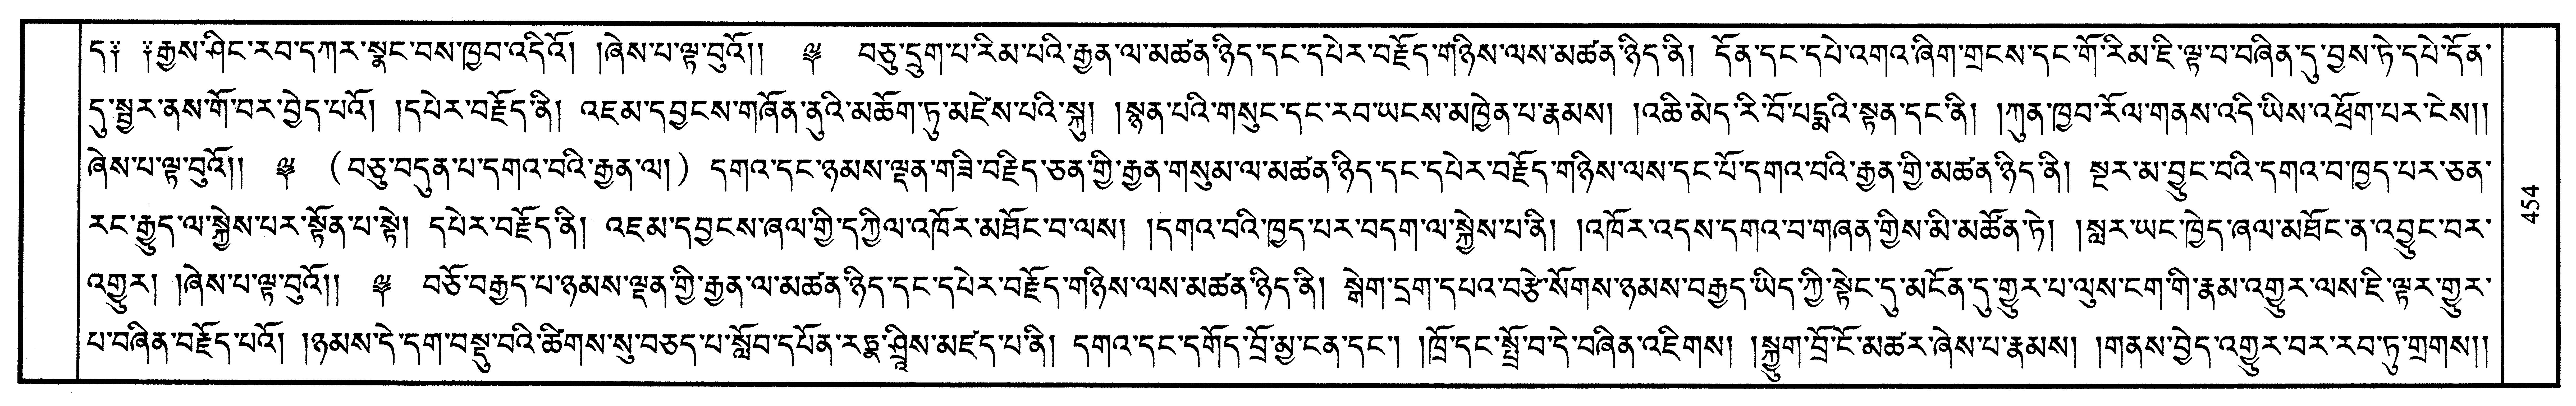ད༑ ༑རྒྱས་ཤིང་རབ་དཀར་སྣང་བས་ཁྱབ་འདིའོ། །ཞེས་པ་ལྟ་བུའོ།། ༈ བཅུ་དྲུག་པ་རིམ་པའི་རྒྱན་ལ་མཚན་ཉིད་དང་དཔེར་བརྗོད་གཉིས་ལས་མཚན་ཉིད་ནི། དོན་དང་དཔེ་འགའ་ཞིག་གྲངས་དང་གོ་རིམ་ཇི་ལྟ་བ་བཞིན་དུ་བྱས་ཏེ་དཔེ་དོན་
དུ་སྦྱར་ནས་གོ་བར་བྱེད་པའོ། །དཔེར་བརྗོད་ནི། འཇམ་དབྱངས་གཞོན་ནུའི་མཆོག་ཏུ་མཛེས་པའི་སྐུ། །སྙན་པའི་གསུང་དང་རབ་ཡངས་མཁྱེན་པ་རྣམས། །འཆི་མེད་རི་བོ་པདམའི་སྟན་དང་ནི། །ཀུན་ཁྱབ་རོལ་གནས་འདི་ཡིས་འཕྲོག་པར་ངེས།།
ཞེས་པ་ལྟ་བུའོ།། ༈ བཅུ་བདུན་པ་དགའ་བའི་རྒྱན་ལ།  དགའ་དང་ཉམས་ལྡན་གཟི་བརྗིད་ཅན་གྱི་རྒྱན་གསུམ་ལ་མཚན་ཉིད་དང་དཔེར་བརྗོད་གཉིས་ལས་དང་པོ་དགའ་བའི་རྒྱན་གྱི་མཚན་ཉིད་ནི། སྔར་མ་བྱུང་བའི་དགའ་བ་ཁྱད་པར་ཅན་
རང་རྒྱུད་ལ་སྐྱེས་པར་སྟོན་པ་སྟེ། དཔེར་བརྗོད་ནི། འཇམ་དབྱངས་ཞལ་གྱི་དཀྱིལ་འཁོར་མཐོང་བ་ལས། །དགའ་བའི་ཁྱད་པར་བདག་ལ་སྐྱེས་པ་ནི། །འཁོར་འདས་དགའ་བ་གཞན་གྱིས་མི་མཚོན་ཏེ། །སླར་ཡང་ཁྱེད་ཞལ་མཐོང་ན་འབྱུང་བར་
འགྱུར། །ཞེས་པ་ལྟ་བུའོ།། ༈ བཅོ་བརྒྱད་པ་ཉམས་ལྡན་གྱི་རྒྱན་ལ་མཚན་ཉིད་དང་དཔེར་བརྗོད་གཉིས་ལས་མཚན་ཉིད་ནི། སྒེག་དྲག་དཔའ་བརྩེ་སོགས་ཉམས་བརྒྱད་ཡིད་ཀྱི་སྟེང་དུ་མངོན་དུ་གྱུར་པ་ལུས་ངག་གི་རྣམ་འགྱུར་ལས་ཇི་ལྟར་གྱུར་
པ་བཞིན་བརྗོད་པའོ། །ཉམས་དེ་དག་བསྡུ་བའི་ཚིགས་སུ་བཅད་པ་སློབ་དཔོན་རཏྣ་ཤྲཱིས་མཛད་པ་ནི། དགའ་དང་དགོད་བྲོ་མྱ་ངན་དང་། །ཁྲོ་དང་སྤྲོ་བ་དེ་བཞིན་འཇིགས། །སྐྱུག་བྲོ་ངོ་མཚར་ཞེས་པ་རྣམས། །གནས་བྱེད་འགྱུར་བར་རབ་ཏུ་གྲགས།།